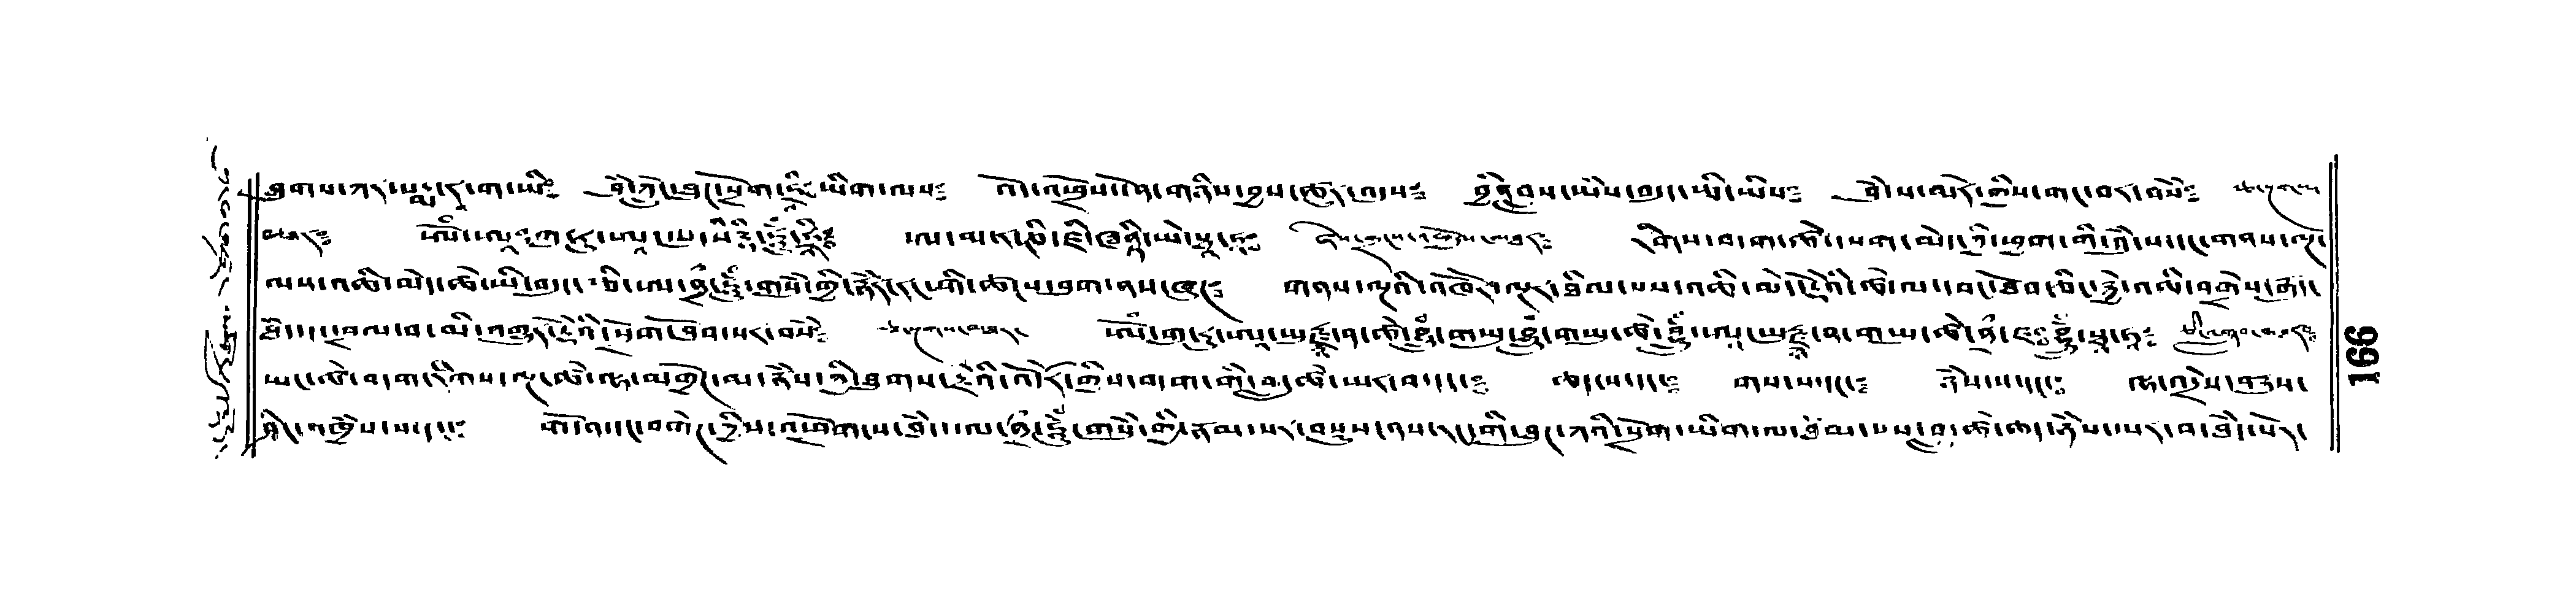ཐུགས་ཀར་པདྨ་རཱ་ག་ཡི༔ བུམ་ཀློང་ཐུགས་སྲོག་ཧྲཱིཿཡིག་ལས༔ འོད་འཕྲོས་དོན་གཉིས་བྱས་ཚུར་འདུས༔ བྱིན་རླབས་ཡེ་ཤེས་བདུད་རྩི་ཡིས༔ བུམ་པ་མེར་གྱིས་གང་བར་བསམ༔ རྩ་སྔགས་
མཐར༔ ཨོཾ་ཨཱཿགུ་རུ་ཨཱ་ཡུ་སིདྡྷི་ཧྲཱིཿ ཨ་མ་ར་ཎི་ཛི་ཝནྟི་ཡེ་སྭཱ་ཧཱཿ ཞེས་གྲངས་འཁྱོལ་མཐར༔ རིགས་བདག་ཚེ་དཔག་མེད་ཀྱི་ཕྱག་གི་བུམ་པ་དང་གནས་ལྔ་
ལས་འཆི་མེད་ཚེ་ཡི་བདུད་རྩི་ཨ་ནྲྀ་ཧཱུྃ་གསུམ་གྱི་རྣམ་པར་རང་གི་ཚངས་བུག་ནས་ཞུགས༔ གནས་ལྔའི་འཁོར་ལོ་ལྔར་ཐིམ་པས་འཆི་མེད་རྡོ་རྗེའི་ཚེ་ལ་དབང་ཅིང་སྐྱེ་འཆི་བགྲེས་རྒུད་
ཐམས་ཅད་དང་བྲལ་བ་མི་འགྱུར་རྡོ་རྗེའི་སྲོག་ཐོབ་པར་བསམ༔ རྩ་སྔགས་མཐར༔ ཨོཾ་གུ་རུ་ཨཱ་ཡུརྫྙཱ་ན་ཚེ་བྷྲཱུྃ་གཡུ་བྷྲཱུྃ་གཡུ་ཚེ་བྷྲཱུྃ་ཨཱ་ཡུརྫྙཱ་ན་གཡུ་ཚེ་ནྲྀ་ཛཿབྷྲཱུྃ་སྭཱ་ཧཱཿ ཅི་འགྲུབ་མཐར༔ 
ཡང་ཚེ་བདག་རིགས་ལྔ་ཚེ་ལྷ་མགྱོགས་མ་རྣམས་ཀྱི་ཐུགས་རྗེའི་འོད་ཟེར་གྱིས་བདག་གི་བླ་ཚེ་ཡར་བ་དངཿཆད་པ་དང༔ གས་པ་དང༔ ཉམས་པ་དང༔ ལྷ་འདྲེས་བརྐུས་
ཤིང་འཁྱམས་པ་དང༔ གདོན་དང་བགེགས་ཀྱིས་འཕྲོགས་པ་ཐམས་ཅད་ཨ་ནྲྀ་ཧཱུྃ་གསུམ་གྱི་རྣམ་པར་བསྡུས་ནས་རང་གི་ཐུགས་ཀའི་སྲོག་ཡིག་ལས་ཐིམ་པས་བླ་ཚེ་ཆད་ཉམས་ཡར་བ་ཐམས་ཅད་སོར་